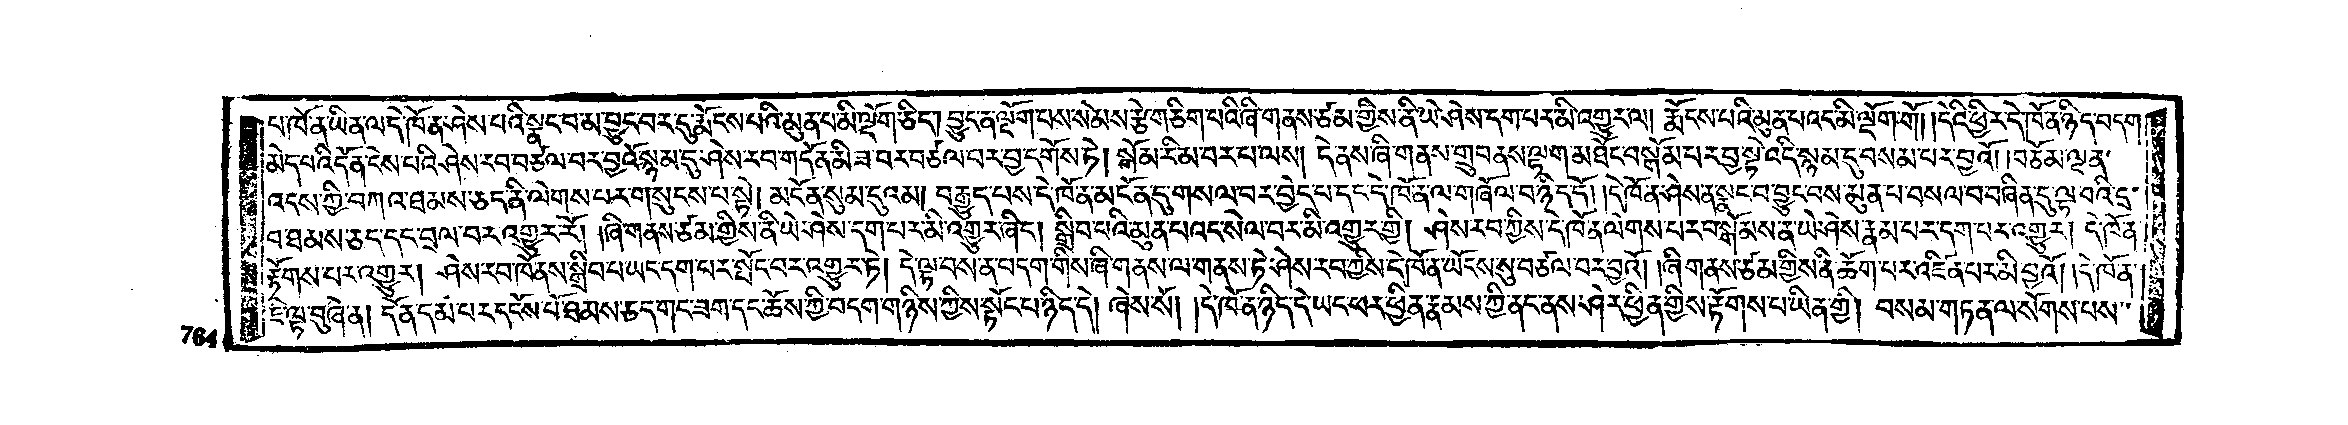པ་ཁོ་ན་ཡིན་ལ་དེ་ཁོ་ན་ཤེས་པའི་སྣང་བ་མ་བྱུང་བར་དུ་རྨོངས་པའི་མུན་པ་མི་ལྡོག་ཅིང་། བྱུང་ན་ལྡོག་པས་སེམས་རྩེ་གཅིག་པའི་ཞི་གནས་ཙམ་གྱིས་ནི་ཡེ་ཤེས་དག་པར་མི་འགྱུར་ལ། རྨོངས་པའི་མུན་པའང་མི་ལྡོག་གོ ། །དེའི་ཕྱིར་དེ་ཁོ་ན་ཉིད་བདག་
མེད་པའི་དོན་ངེས་པའི་ཤེས་རབ་བཙལ་བར་བྱའོ་སྙམ་དུ་ཤེས་རབ་གདོན་མི་ཟ་བར་བཙལ་བར་བྱ་དགོས་ཏེ། སྒོམ་རིམ་བར་པ་ལས། དེ་ནས་ཞི་གནས་གྲུབ་ནས་ལྷག་མཐོང་བསྒོམ་པར་བྱ་སྟེ་འདི་སྙམ་དུ་བསམ་པར་བྱའོ། །བཅོམ་ལྡན་
འདས་ཀྱི་བཀའ་ཐམས་ཅད་ནི་ལེགས་པར་གསུངས་པ་སྟེ། མངོན་སུམ་དུའམ། བརྒྱུད་པས་དེ་ཁོ་ན་མངོན་དུ་གསལ་བར་བྱེད་པ་དང་དེ་ཁོ་ན་ལ་གཞོལ་བ་ཉིད་དོ། །དེ་ཁོ་ན་ཤེས་ན་སྣང་བ་བྱུང་བས་མུན་པ་བསལ་བ་བཞིན་དུ་ལྟ་བའི་དྲ་
བ་ཐམས་ཅད་དང་བྲལ་བར་འགྱུར་རོ། །ཞི་གནས་ཙམ་གྱིས་ནི་ཡེ་ཤེས་དག་པར་མི་འགྱུར་ཞིང་། སྒྲིབ་པའི་མུན་པའང་སེལ་བར་མི་འགྱུར་གྱི། ཤེས་རབ་ཀྱིས་དེ་ཁོ་ན་ལེགས་པར་བསྒོམས་ན་ཡེ་ཤེས་རྣམ་པར་དག་པར་འགྱུར། །དེ་ཁོ་ན་
རྟོགས་པར་འགྱུར། ཤེས་རབ་ཁོ་ནས་སྒྲིབ་པ་ཡང་དག་པར་སྤོང་བར་འགྱུར་ཏེ། དེ་ལྟ་བས་ན་བདག་གིས་ཞི་གནས་ལ་གནས་ཏེ་ཤེས་རབ་ཀྱིས་དེ་ཁོ་ན་ཡོངས་སུ་བཙལ་བར་བྱའོ། །ཞི་གནས་ཙམ་གྱིས་ནི་ཆོག་པར་འཛིན་པར་མི་བྱའོ། །དེ་ཁོ་ན་
ཇི་ལྟ་བུ་ཞེ་ན། དོན་དམ་པར་དངོས་པོ་ཐམས་ཅད་གང་ཟག་དང་ཆོས་ཀྱི་བདག་གཉིས་ཀྱིས་སྟོང་པ་ཉིད་དེ། ཞེས་སོ། །དེ་ཁོ་ན་ཉིད་དེ་ཡང་ཕར་ཕྱིན་རྣམས་ཀྱི་ནང་ནས་ཤེར་ཕྱིན་གྱིས་རྟོགས་པ་ཡིན་གྱི། བསམ་གཏན་ལ་སོགས་པས་